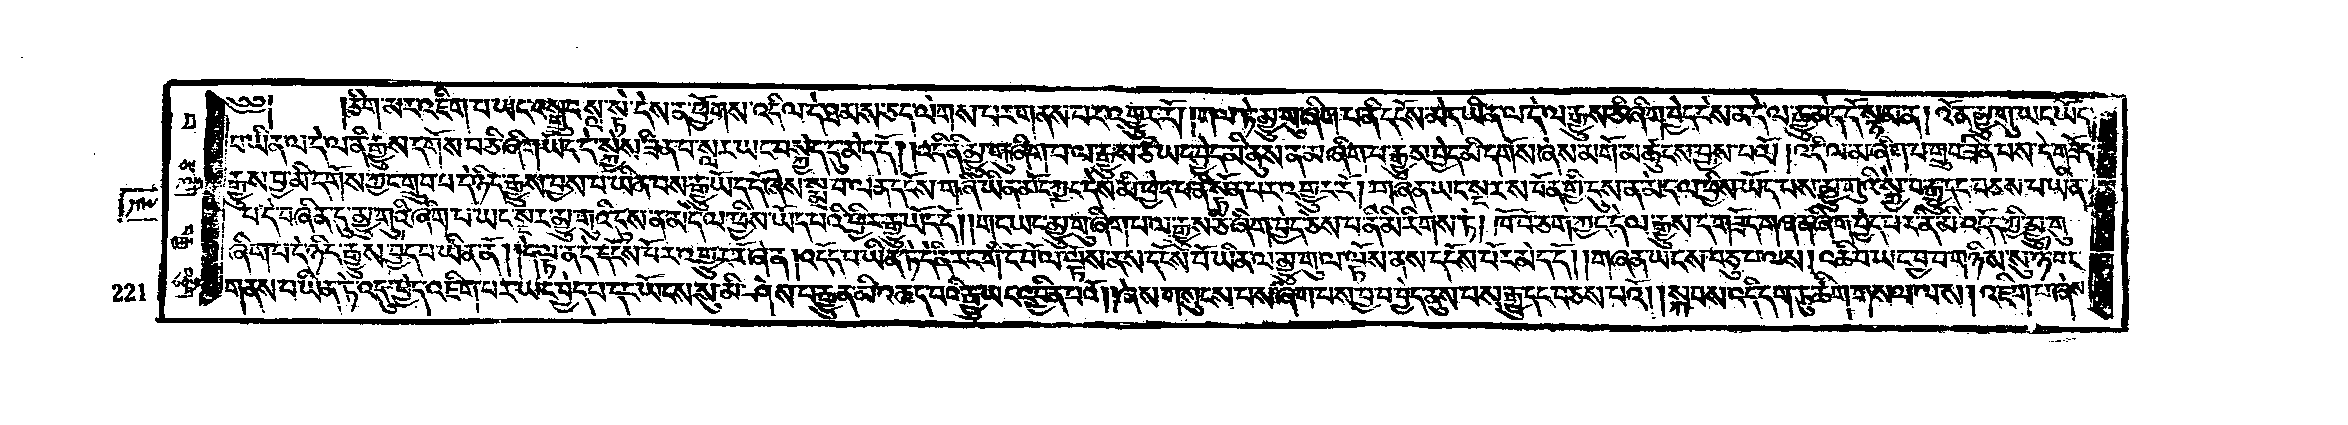༄༅། །ཅིག་མར་འཇིག་པ་ཡང་བསྒྲུབ་སླ་སྟེ་དེས་ན་ཕྱོགས་འདི་ལ་དེ་ཐམས་ཅད་ལེགས་པར་གནས་པར་འགྱུར་རོ། །གལ་ཏེ་མྱུ་གུ་ཞིག་པ་ནི་དངོས་མེད་ཡིན་ལ་དེ་ལ་རྒྱུས་ཅི་ཞིག་བྱེད་དེས་ན་དེ་ལ་རྒྱུ་མེད་དོ་སྙམ་ན། འོ་ན་མྱུ་གུ་ཡང་ཡོད་
པ་ཡིན་ལ་དེ་ལ་ནི་རྒྱུས་དགོས་པ་ཅི་ཞིག་ཡོད་དེ་སྐྱེས་ཟིན་པ་སླར་ཡང་བསྐྱེད་དུ་མེད་དོ། །འདི་ནི་མྱུ་གུ་ཞིག་པ་ལ་རྒྱུས་ཅི་ཡང་བྱེད་མི་ནུས་ན་མ་ཞིག་པ་རྒྱུས་བྱེད་མི་དགོས་ཞེས་མགོ་མཚུངས་བྱས་པའོ། །འདི་ལ་མ་ཞིག་པ་གྲུབ་ཟིན་པས་ད་གཟོད་
རྒྱུས་བྱ་མི་དགོས་ཀྱང་གྲུབ་པ་དེ་ཉིད་རྒྱུས་བྱས་པ་ཡིན་པས་རྒྱུ་ཡོད་དོ་ཞེས་སྨྲ་བ་ལན་དངོས་གཞི་ཡིན་མོད་ཀྱང་དེས་མི་ཕྱེད་པ་ནི་སྟོན་པར་འགྱུར་རོ། །གཞན་ཡང་སྔར་ས་བོན་གྱི་དུས་ན་མེད་ལ་ཕྱིས་ཡོད་པས་མྱུ་གུའི་སྐྱེ་བ་རྒྱུ་དང་བཅས་པ་ཡིན་
པ་དེ་བཞིན་དུ་མྱུ་གུའི་ཞིག་པ་ཡང་སྔར་མྱུ་གུའི་དུས་ན་མེད་ལ་ཕྱིས་ཡོད་པའི་ཕྱིར་རྒྱུ་ཡོད་དོ། །གང་ཡང་མྱུ་གུ་ཞིག་པ་ལ་རྒྱུས་ཅི་ཞིག་བྱེད་ཅེས་པ་ནི་མི་རིགས་ཏེ། ཁོ་བོ་ཅག་ཀྱང་དེ་ལ་རྒྱུས་ད་གཟོད་གཞན་ཞིག་བྱེད་པར་ནི་མི་འདོད་ཀྱི་མྱུ་གུ་
ཞིག་པ་དེ་ཉིད་རྒྱུས་བྱེད་པ་ཡིན་ནོ། །དེ་ལྟ་ན་དེ་དངོས་པོར་འགྱུར་རོ་ཞེ་ན། འདོད་པ་ཡིན་ཏེ་དེ་ནི་རང་གི་ངོ་བོ་ལ་ལྟོས་ནས་དངོས་པོ་ཡིན་ལ་མྱུ་གུ་ལ་ལྟོས་ནས་དངོས་པོར་མེད་དོ། །གཞན་ཡངས་བཅུ་པ་ལས། འཆི་བ་ཡང་བྱ་བ་གཉིས་སུ་ཉེ་བར་
གནས་པ་ཡིན་ཏེ་འདུ་བྱེད་འཇིག་པར་ཡང་བྱེད་པ་དང་ཡོངས་སུ་མི་ཤེས་པ་རྒྱུན་མི་འཆད་པའི་རྒྱུ་ཡང་འབྱིན་པའོ། །ཞེས་གསུངས་པས་ཞིག་པས་བྱ་བ་བྱེད་ནུས་པས་རྒྱུ་དང་བཅས་པའོ། །སྐབས་འདི་དག་ཏུ་ཚིག་གསལ་ལས། འཇིག་པ་ཞེས་